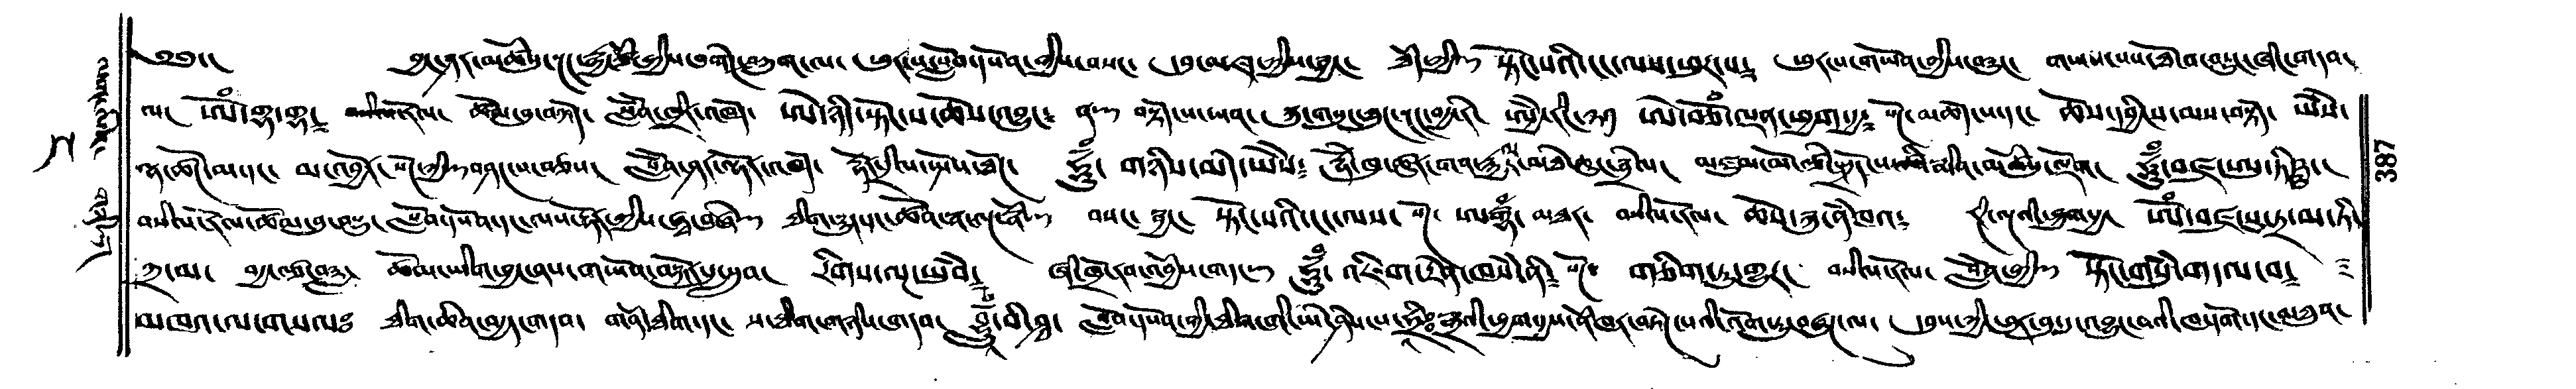བྱང་ཤར་མཚམས་སུ་སྔགས་བརྒྱ་ཙམ་གྱིས་བགེགས་བཀུག་ལ། ཕུར་པ་སློབ་དཔོན་གྱིས་བསང་། དབུ་མཛད་ཀྱིས་སྦྱང་། ཐམས་ཅད་ཀྱིས། སྟོང་པའི་ངང་ལས་ཕུར་པ༴ ཕུར་པ་གཡོན་གྱིས་གཟུང་། གཡས་པས་ཐོ་བ་བརྡུང་ཞིང་གདབ་
ལ། ཨོཾ་གྷ་གྷ༴ བསིལ་རོལ། ཚོམ་བུ་ཁོད། སློབ་དཔོན་ཁྲིར་འཁོད། ཨེ་ཉིད་སྟོང་པ་ཆོས་འབྱུང༴ ནས། བསྟོད་པ་ཡན། སྐུ་གསུང་ཐུགས་སྔགས་བརྒྱ་རེ། ཨེ་རིང་ཉེ་གཅིག ཨེ། བཅོམ་ལྡན་ཕྱག་རྒྱ༴ སོགས་མཆོད་པ་དང་། ཆོས་དབྱིངས༴ སོགས་བསྟོད། ཡེ་ཤེས་
ལྷ་ཚོགས༴ སོགས་དང་། མ་འབྱོར༴ སོགས་ཀྱིས་བཤགས་པ་བཅས། སློབ་དཔཽན་ཤར་ལྷོར་འཁོད། རྡོར་དྲིལ་སྤོས་ཐོགས། ཧཱུྃ། གཉིས་མེད་ཡེ་ཤེས༴ རྡོ་རྗེ་ཁུ་ཚུར་གན་རྐྱལ་མཐེ་ཆུང་སྦྲེལ། མཛུབ་མོ་རྩེ་སྤྲད་པ་སྨིན་མཚམས་སུ་ལྡོག ཧཱུྃ་བཛྲ་ཨུ་ཏིཥྛ། 
བསིལ་རོལ་ཚོམ་བུ་བསྡུ།སློབ་དཔོན་དང་ལས་རྡོར་གྱིས་ཞྭ་བཞེས། ཐིག་སྐུད་དང་ཚོན་སྣ་ལྔ་རྣམས། བསང་སྦྱང་། སྟོང་པའི་ངང་ལས༴ སོགས། ཨརྒྷཾ༴ མཐར་བསིལ་རོལ། ཆོས་སྐུ་ནམ་མཁའ༴ རིགས་ལྔའི་ཕྱག་རྒྱ། ཨོཾ་བཛྲ་སུ་ཏྲ་མ་ཏི་
ཀྲ་མ། བརྒྱ་རྩ་བཟླ། ཚོམ་ཡིག་བྱང་ནས་གཡོན་བསྐོར་དུ་སྲུབ། རིགས་ལྔ་ཡབ་ཡུམ༴ ཞི་ཁྲོ་རབ་འབྱམས་གདངས། ཧཱུྃ། འཇིག་རྟེན་ཁམས་ནི༴ སོགས། གཅིག་ཏུ་གྱུར། བསིལ་རོལ། སློབ་དཔོན་གྱིས། སྟོང་གསུམ་གདལ་བ༴ 
མཁའ་ལ་གསལ། ཐིག་ཆེན་བརྒྱད་གདབ། གནམ་ཐིག་དང་། ས་ཐིག་གཉིས་གདབ། བྷྲཱུྃ་བི་ཤྭ། སློབ་དཔོན་གྱི་ཐིག་གི་ཡེ་ཤེས་པ་ཧྲཱིཿསྒྲའི་ཕྱག་རྒྱས་ནམ་མཁར་བཏེགས་པའི་འོག་ཏུ་བཞུགས་ལ། དབུས་ཀྱི་ཕུར་བུར་འབྱུང་བའི་ཁ་དོག་དང་མཐུན་